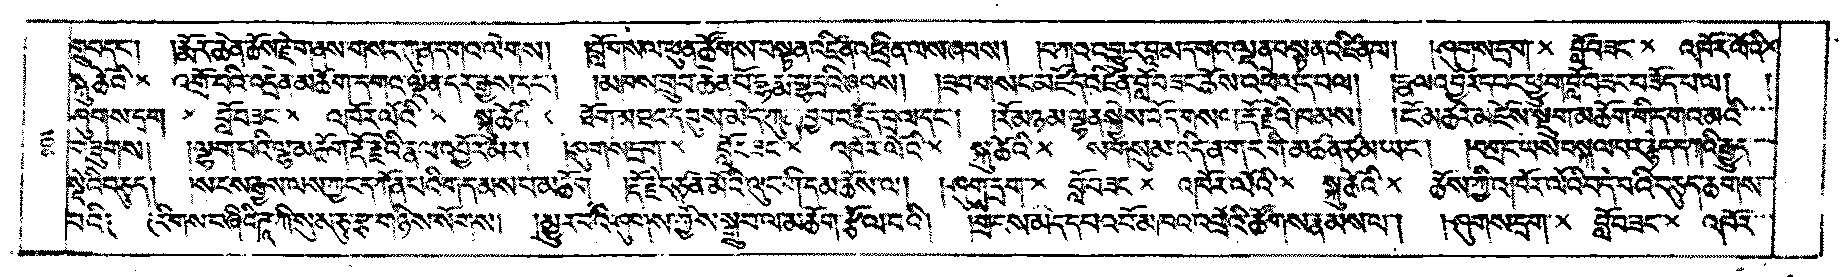གྲུབ་དང་། །རྨོར་ཆེན་ཆོས་རྗེ་གནས་གསར་ཀུན་དགའ་ལེགས། །བློ་གསལ་ཕུན་ཚོགས་བསྟན་འཛིན་འཕྲིན་ལས་ཞབས། །བཀའ་འགྱུར་བླ་མ་དགའ་ལྡན་བསྟན་འཛིན་ལ། །ཤུགས་དྲག་྾་བློ་བཟང་྾་འཁོར་ལོ་྾་
སྐུ་ཚེའི་྾་འགྲོ་བའི་འདྲེན་མཆོག་དགའ་ལྡན་དར་རྒྱས་དང་། །མཁས་གྲུབ་ཆེན་པོ་དྷརྨ་བྷ་དྲའི་ཞབས། །ཟབ་གསང་མཛོད་འཛིན་བློ་བཟང་ཆོས་འཕེལ་དཔལ། །རྣལ་འབྱོར་དབང་ཕྱུག་བློ་བཟང་བཟོད་པ་ལ། །
ཤུགས་དྲག་྾་བློ་བཟང་྾་འཁོར་ལོའི་྾་སྐུ་ཚེའི་྾་ཐོག་མཐའ་དབུས་མེད་ཀུན་ཁྱབ་བརྗོད་བྲལ་དང་། །རོ་མཉམ་ལྷན་སྐྱེས་འོད་གསལ་རྡོ་རྗེའི་ཁམས། །ངོ་མཚར་མཛེས་སྡུག་མཆོག་གི་དགའ་མའི་
གཟུགས། །ལྷག་པའི་ལྷ་མཆོག་རྡོ་རྗེའི་རྣལ་འབྱོར་མར། །ཤུགས་དྲག་྾་བློ་བཟང་྾་འཁོར་ལོའི་྾་སྐུ་ཚེའི་྾་ས་གསུམ་འདི་ན་གང་གི་མཚན་ཙམ་ཡང་། །བགྲང་ཡས་བསྐལ་པར་རྙེད་དཀའི་རྒྱུད་
སྡེའི་བཅུད། །སངས་རྒྱས་ལས་ཀྱང་དཀོན་པའི་གདམས་པ་མཆོག །རྡོ་རྗེ་བཙུན་མོའི་ལུང་གི་དམ་ཆོས་ལ། །ཤུགས་དྲག་྾་བློ་བཟང་྾་འཁོར་ལོའི་྾་སྐུ་ཚེའི་྾་ཆོས་ཀྱི་འཁོར་ལོའི་བདེ་བའི་བཅུད་ཆགས་
པའི༑ ༑རིགས་བཞིའི་ཌཱ་ཀི་སུམ་ཅུ་རྩ་གཉིས་སོགས། །མྱུར་བའི་ཤུགས་ཀྱིས་སྒྲུབ་ལ་མཆོག་རྩོལ་བའི། །གྲངས་མེད་དཔའ་བོ་མཁའ་འགྲོའི་ཚོགས་རྣམས་ལ། །ཤུགས་དྲག་྾་བློ་བཟང་྾་འཁོར་